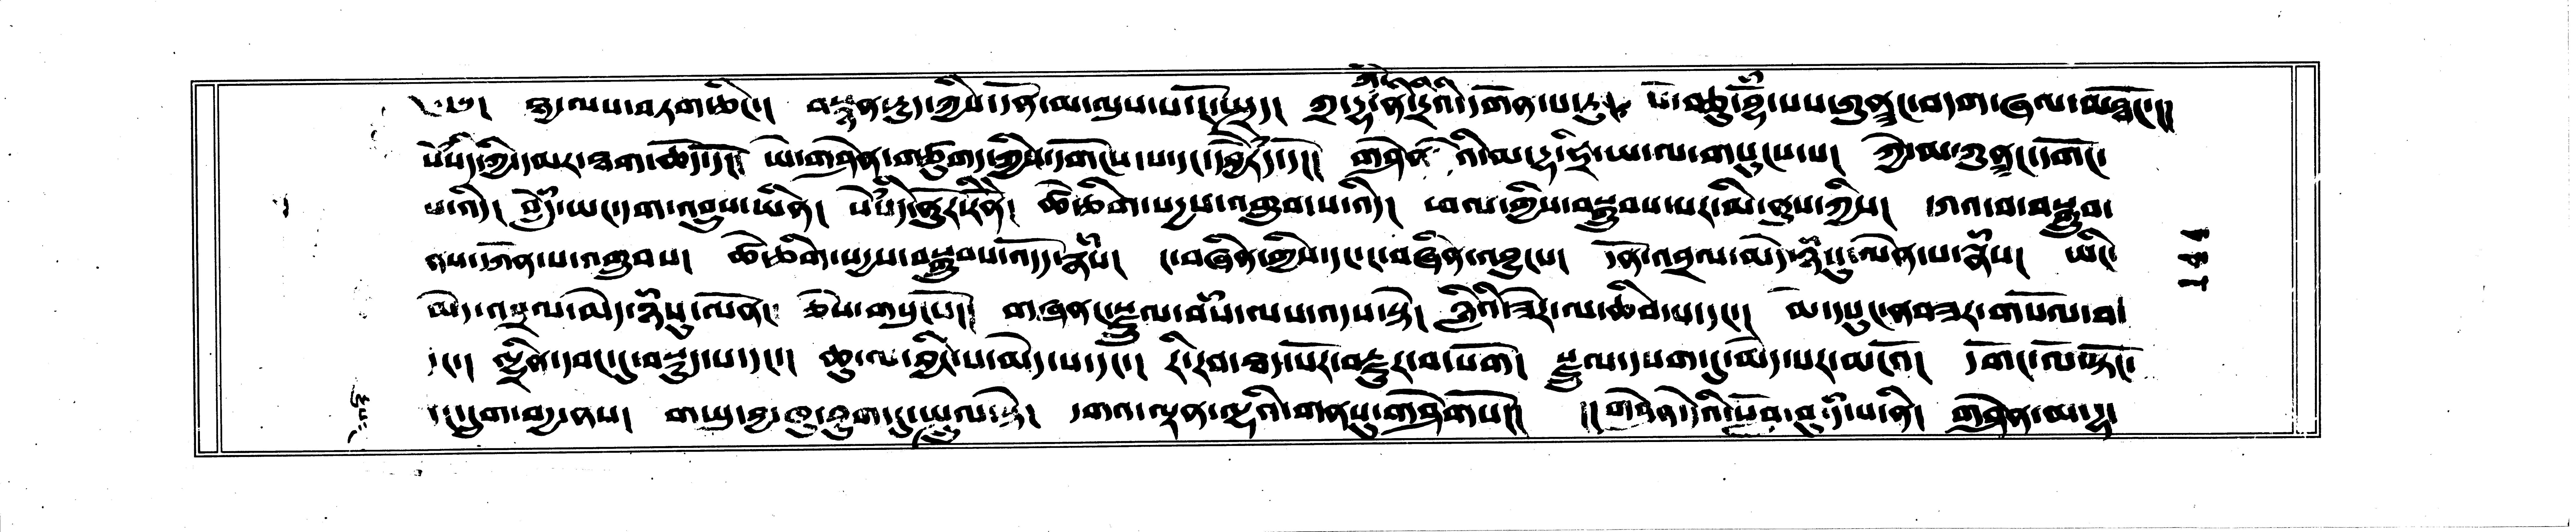ཐུགས་ལ་བརྟགས་ཅིང་། སྙན་རྒྱུད་ཀྱིས་དོན་མ་ལུས་པ་ངོ་སྤྲད། ཀྲ་དྷ་ཀམ་ནི་དྲིའི་དགོན་པ་རུ། ལོ་བཅུ་བསྒོམ་པས་ཀུན་བཟང་བདག་ཞལ་མཐོང་། 
སེམས་ཉིད་དམར་ཐག་ཆོད་དོ། ཡེ་གཤེན་གཙུག་ཕུད་ཀྱི་དགོངས་པ་དང་དབྱེར་མེད་དོ། གཤེན་དེའི་མ་དྷ་ཧྲི་ཡ་ལ་གསུངས་པ། ཀྱེ་མ་ཀུན་བཟང་དགོངས་
པ་འདི། བླ་མེད་ཡང་དག་འབྲས་བུ་ཡིན། སེམས་ཉིད་ནོར་བུ་རིན་པོ་ཆེ། ཚེ་གཅིག་སངས་རྒྱས་འགྲུབ་པ་འདི། ཕལ་གྱིས་བསྒྲུབ་པར་མི་ནུས་ཀྱིས། དཀའ་བ་བསྒྲུབ་
ནས་དཀོན་པ་འགྲུབ། ཚེ་གཅིག་སངས་རྒྱས་འགྲུབ་འདོད་རྣམས། ང་བཞིན་གྱིས་དང་ང་བཞིན་འབྱུང་། དོན་འབྲལ་མེད་ཉམས་སུ་ལེན་པ་རྣམས། ཡེངས་
མེད་འབྲལ་མེད་ཉམས་སུ་ལོན། ཅེས་གསུངས་སོ། །གཞན་ཡང་རྫུ་འཕྲུལ་བསམ་འདས་ཏེ། ཉི་ཟླའི་ཟེར་ལ་ཆིབས་པ་དང་། མེ་དཔུང་ན་བཟར་གསོལ་བ་
དང་། ལྷ་སྲིན་དབང་དུ་བསྡུད་པ་དང་། ཆུ་ལ་བྱིངས་པ་མེད་པ་དང་། རི་རབ་ཐད་པོར་རྫུར་བ་སོགས། རྫུ་འཕྲུལ་དཔག་ཏུ་མེད་པ་མངའ། དགོང་ལོ་སྟོང་
དང་དྲུག་བརྒྱ་ནས། གཡུ་བྱ་ཁུ་བྱུག་ཏུ་སྤྲུལ་སྟེ། དགའ་ལྡན་ལྷའི་གནས་སུ་གཤེགས་སོ། །གཤེན་དེའི་སློབ་བུ་དམ་པ་ནི། གཤེན་མ་དྷ་